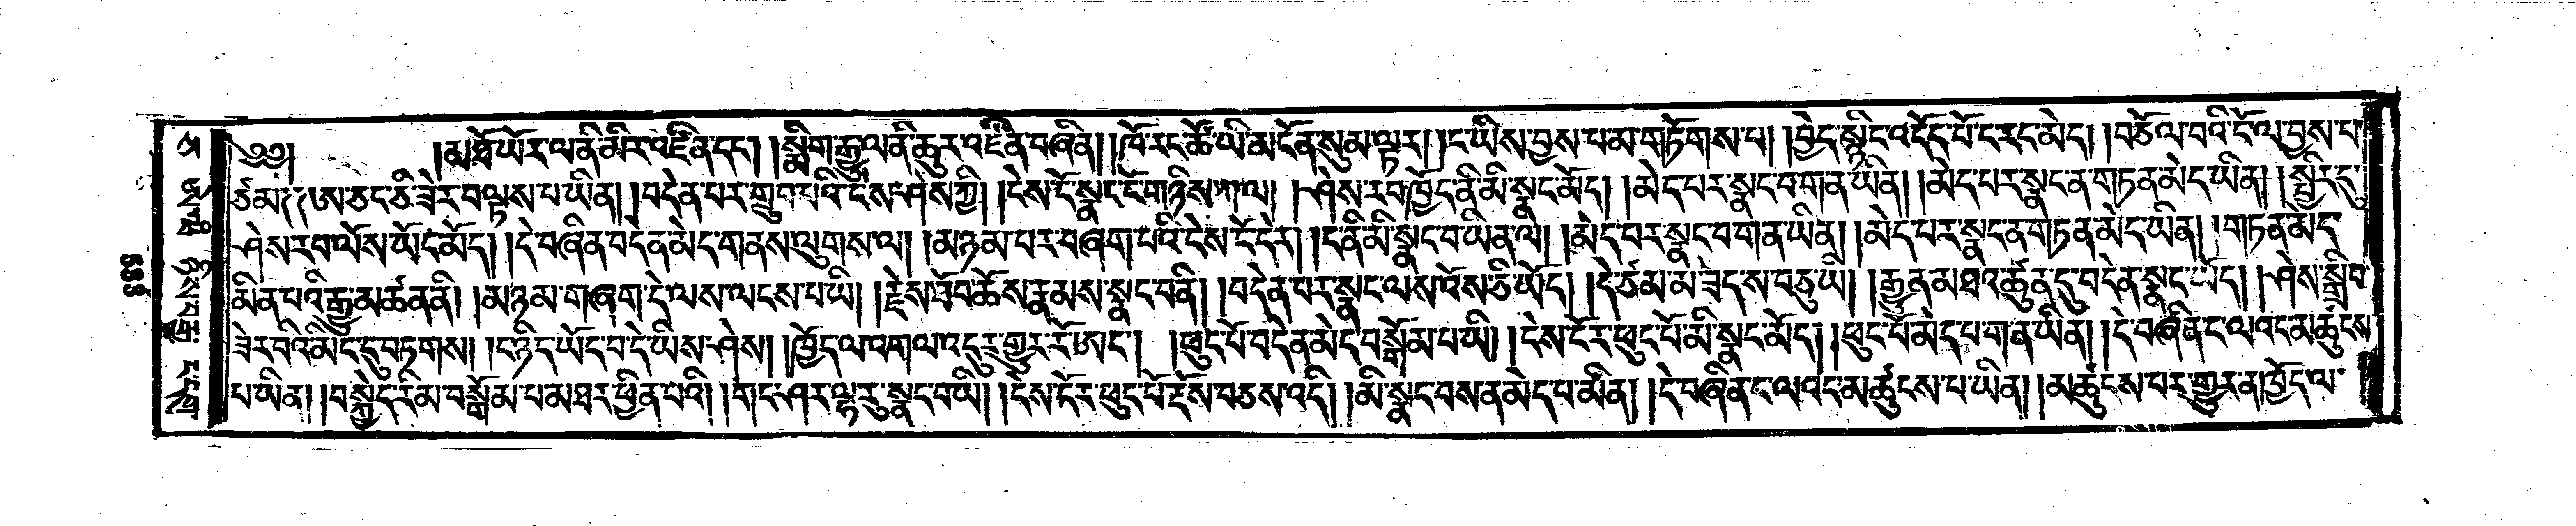༄༅། །མཐོ་ཡོར་ལ་ནི་མིར་འཛིན་དང་། །སྨིག་རྒྱུ་ལ་ནི་ཆུར་འཛིན་བཞིན། །ཁོ་རང་ཚོ་ཡི་མངོན་སུམ་ལྟར། །ང་ཡིས་བྱས་པ་མ་གཏོགས་པ། །བྱེད་སྙིང་འདོད་པོ་ང་རང་མེད། །བཅོལ་བའི་ངོ་ལ་བྱས་པ་
ཙམ༑ ༑ཨ་ཅང་ཅི་ཟེར་བལྟས་པ་ཡིན། །བདེན་པར་གྲུབ་པའི་ངེས་ཤེས་ཀྱི། །ངེས་ངོ་སྣང་ངོ་གཉིས་ཀ་ལ། །ཤེས་རབ་ཁྱོད་ནི་མི་སྣང་མོད། །མེད་པར་སྣང་བ་ག་ན་ཡིན། །མེད་པར་སྣང་ན་གཏན་མེད་ཡིན། །སྤྱིར་དུ་
ཤེས་རབ་ལོས་ཡོད་མོད། །དེ་བཞིན་མེད་གནས་ལུགས་ལ། །མཉམ་པར་བཞག་པའི་ངེས་ངོ་དེར། །ང་ནི་མི་སྣང་བ་ཡིན་ལ། །མེད་པར་སྣང་བ་ག་ན་ཡིན། །མེད་པར་སྣང་ན་གཏན་མེད་ཡིན། །གཏན་མེད་
མིན་པའི་རྒྱུ་མཚན་ནི། །མཉམ་གཞག་དེ་ལས་ལངས་པ་ཡི། །རྗེས་ཐོབ་ཆོས་རྣམས་སྣང་བ་ནི། །བདེན་པར་སྣང་ལས་འོས་ཅི་ཡོད། །དེ་ཙམ་མ་ཟད་ས་བཅུ་ཡི། །རྒྱུ་མཐའ་ཚུན་དུ་བདེན་སྣང་ཡོད། །ཤེས་སྒྲིབ་
ཟེར་བའི་མིང་དུ་བཏགས། །ང་ཉིད་ཡོད་པ་དེ་ཡིས་ཤེས། །ཁྱོད་ལ་འགལ་འདུར་གྱུར་རོ་ཨང་། །ཕུང་པོ་བདེན་མེད་བསྒོམ་པ་ཡི། །ངེས་ངོར་ཕུང་པོ་མི་སྣང་མོད། །ཕུང་པོ་མེད་པ་ག་ན་ཡིན། དེ་བཞིན་ང་ལའང་མཚུངས་
པ་ཡིན། །བསྐྱེད་རིམ་བསྒོམ་པ་མཐར་ཕྱིན་པའི། །གང་ཤར་ལྷ་རུ་སྣང་བ་ཡི། །ངེས་ངོར་ཕུང་པོ་རྡོས་བཅས་འདི། །མི་སྣང་བས་ན་མེད་པ་མིན། །དེ་བཞིན་ལའང་མཚུངས་པ་ཡིན། །མཚུངས་པར་གྱུར་ན་ཁྱོད་ལ་